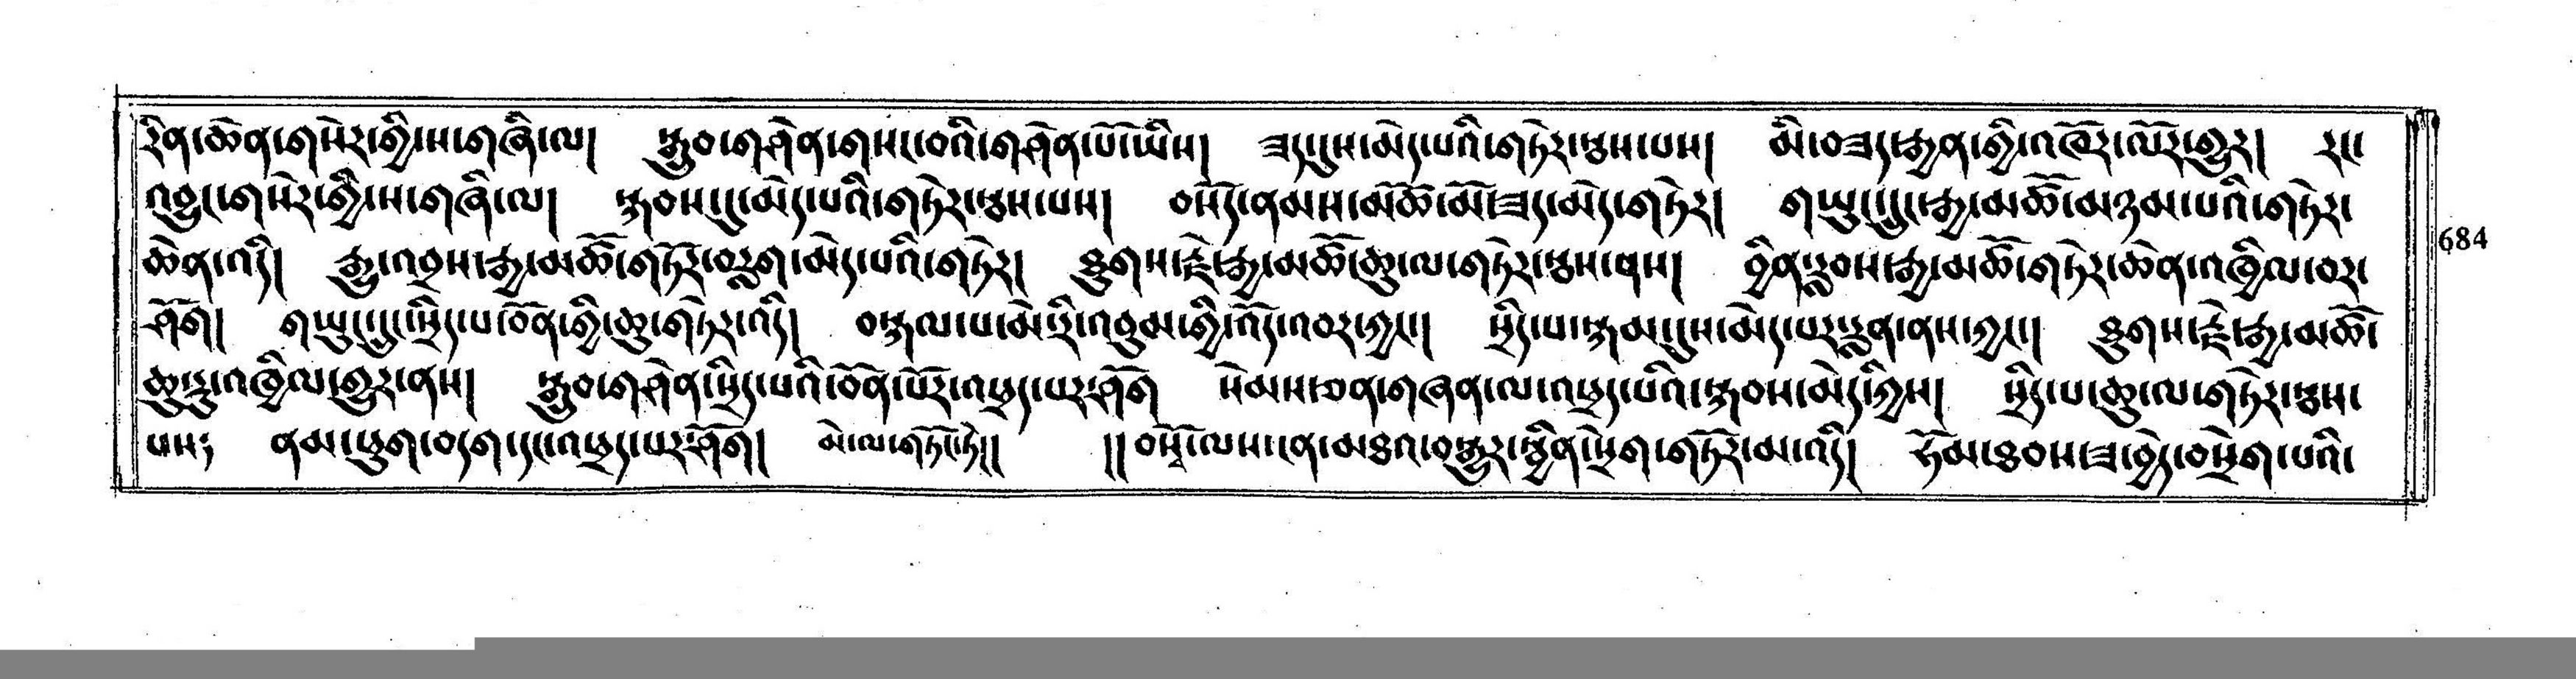རིན་ཆེན་གསེར་གྱི་ས་གཞི་ལ། སྒྲུབ་གཤེན་གསང་བའི་གཤེན་པོ་ཡིས། ཟད་དུས་མེད་པའི་གཏེར་སྦས་པས། མི་བཟད་རྒྱན་གྱི་འཁོར་ལོར་གྱུར། རང་
འབྱུང་གསེར་གྱི་ས་གཞི་ལ། སྐབས་དུ་མེད་པའི་གཏེར་སྦས་པས། བསོད་ནམས་མཚོ་མོ་ཟད་མེད་གཏེར། གཡུང་དྲུང་རྒྱ་མཚོ་མཉམ་པའི་གཏེར་
ཆེན་འདི། རྒྱུ་འབྲས་རྒྱ་མཚོ་གཏོར་བརླག་མེད་པའི་གཏེར། ཐུགས་རྗེ་རྒྱ་མཚོ་ཆུ་ལ་གཏེར་སྦས་ནས། བྱིན་རླབས་རྒྱ་མཚོ་གཏེར་ཆེན་འཁྱིལ་བར་
ཤོག གཡུང་དྲུང་སྲིད་པ་བོན་གྱི་ཆུ་གཏེར་འདི། བསྐལ་པ་མེ་རི་འབུམ་གྱི་འོད་འབར་ཀྱང་། སྲིད་པ་སྐམ་དུས་མེད་པར་རླན་ནས་ཀྱང་། ཐུགས་རྗེ་རྒྱ་མཚོ་
ཆུ་རུ་འཁྱིལ་གྱུར་ནས། སྒྲུབ་གཤེན་སྲིད་པའི་བོན་པོར་འཕྲད་པར་ཤོག སེམས་ཅན་གཞན་ལ་འཕྲད་པའི་སྐབས་མེད་ཀྱིས། སྲིད་པ་ཆུ་ལ་གཏེར་སྦས་
པས། ནམ་ཕུག་བདག་དང་འཕྲད་པར་ཤོག མེ་ལ་གཏོང་ཏེ།། །།བསྭོ་ལས་ངན་མཐའ་བསྒྱུར་སྦྱིན་སྲེག་གཏོར་མ་འདི། ཧོམ་ཐབས་ཟ་བྱེད་བསྲེག་པའི་